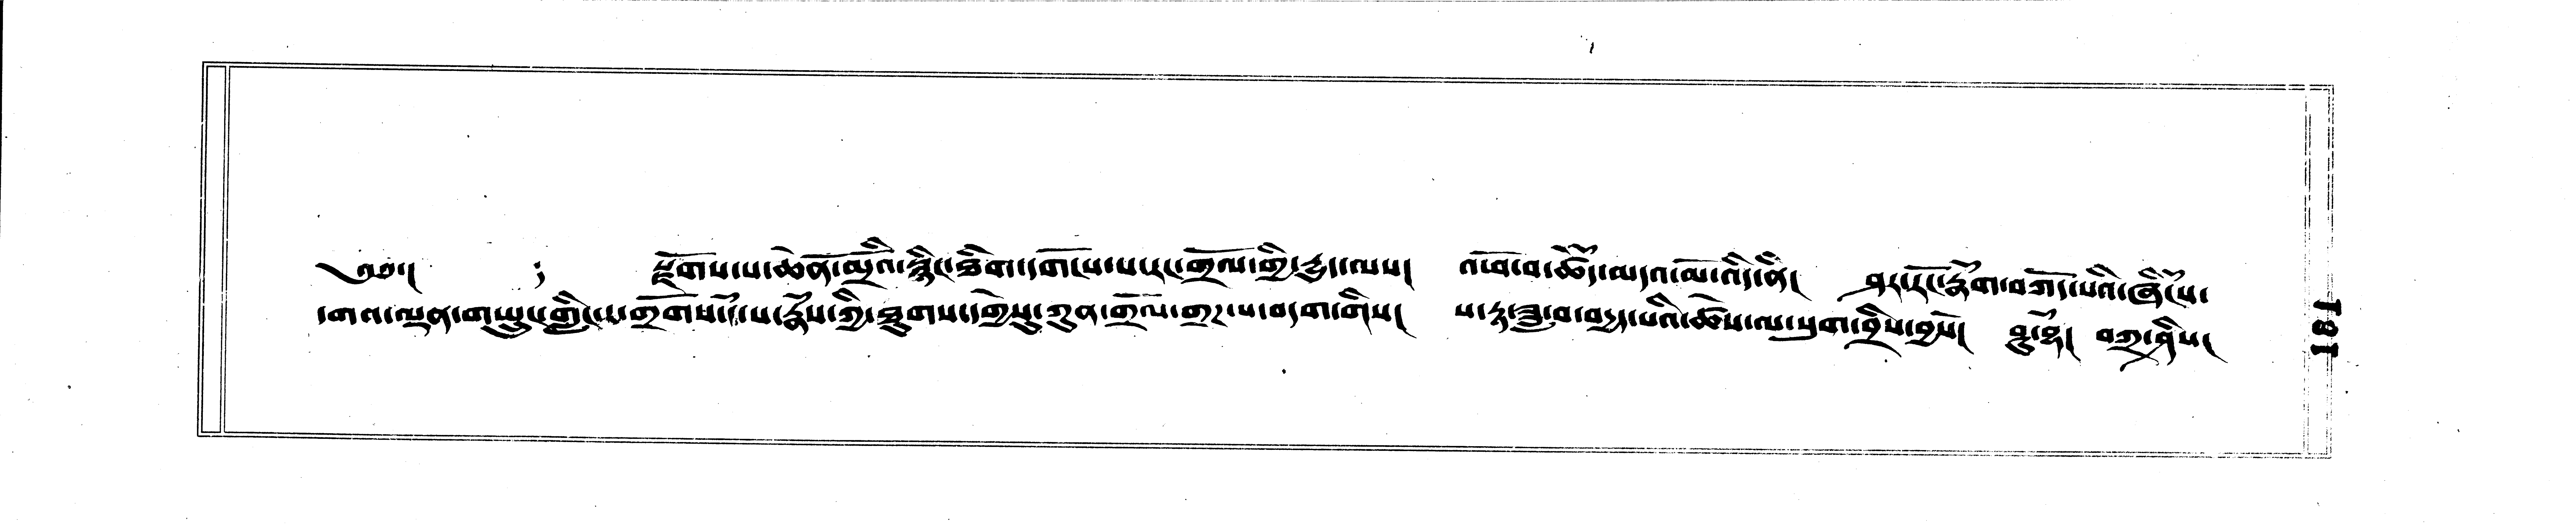རྫོགས་པ་ཆེན་པོ་མཁའ་འགྲོ་སྙིང་ཐིག་དགོངས་པ་རང་གྲོལ་གྱི་རྒྱུད་ལས། འཕོ་བ་ཚད་མེད་མདའ་མོ་འདི་ནི། ཤར་རོང་རྣམ་དག་བཀོད་པའི་ཞིང་ཁམས་
དགའ་ལྡན་གཡུང་དྲུང་གླིང་དུ་གྲོགས་དམ་པ་རྣམས་ཀྱི་ཐུགས་དགྱེས་སུ་ཀུན་གྲོལ་གྲགས་པ་བདག་གིས། ས་རྟ་ཟླ་བ་བརྒྱད་པའི་ཚེས་ལ་སུག་བྲིས་བྱས་སོ།། །།ཤུ་བྷཾ། བཀྲ་ཤིས།། །།